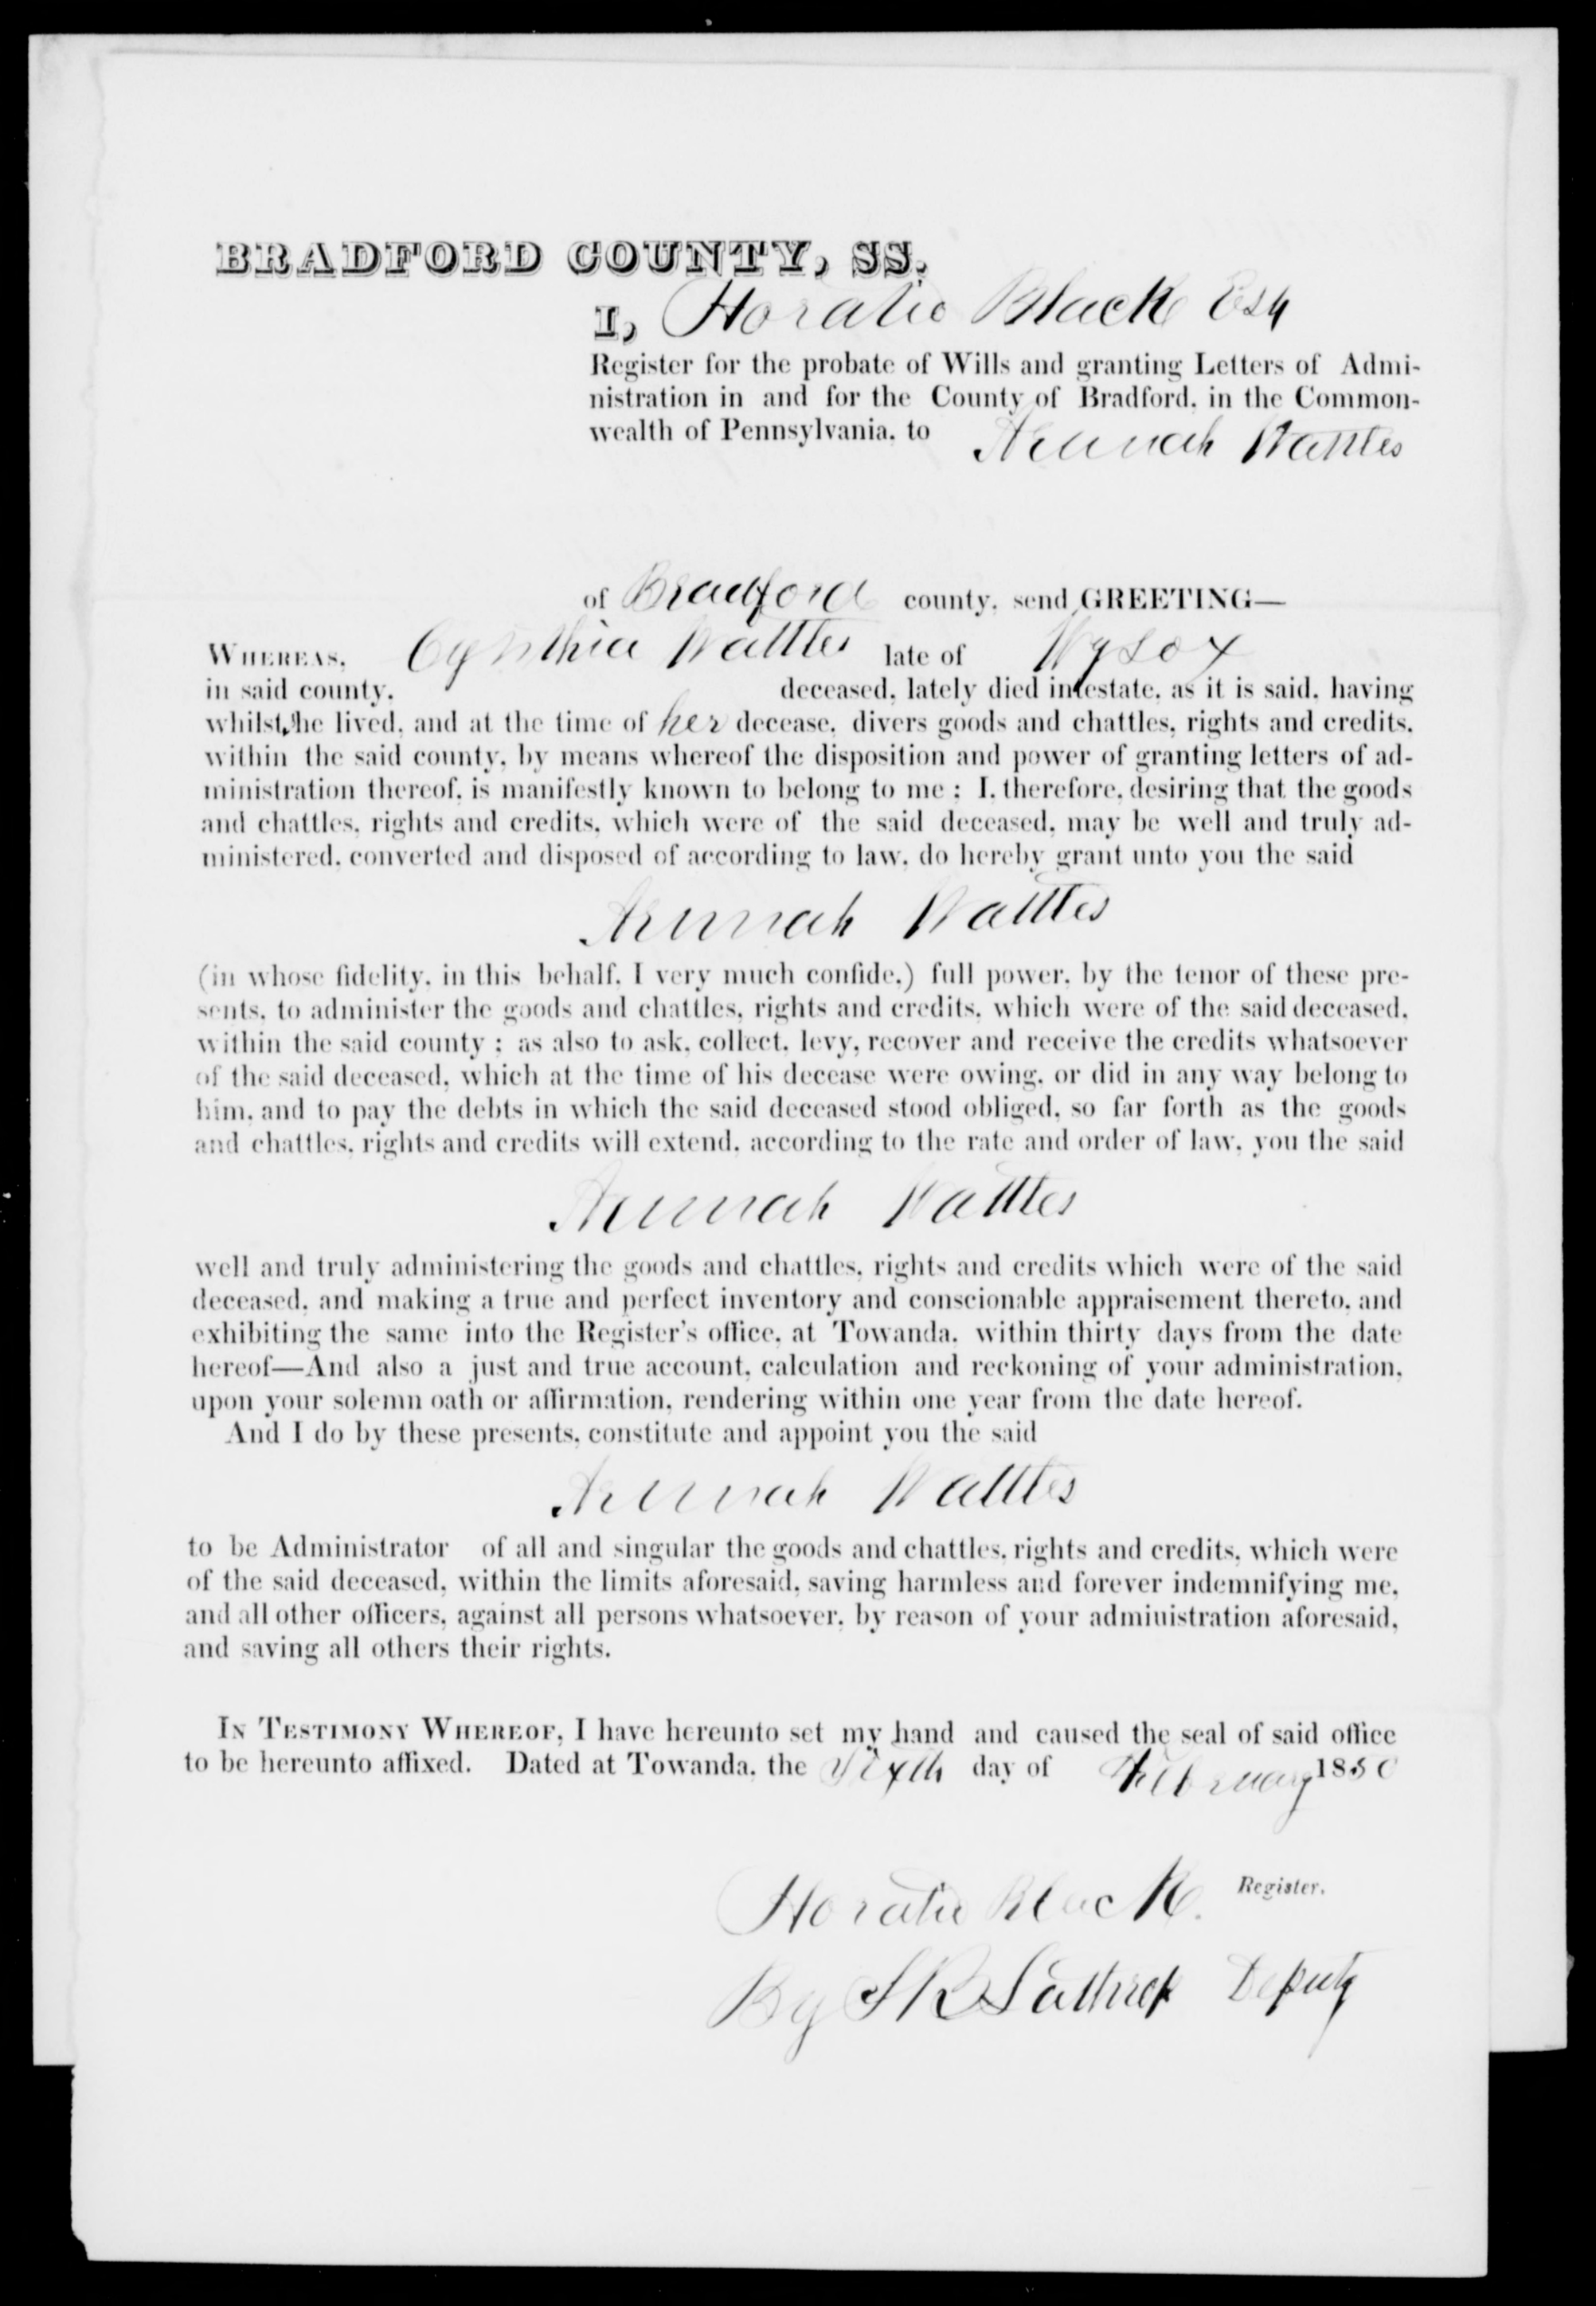BRADFORD COUNTY, SS.

I, Horatio Black, Esq.
Register for the probate of Wills and granting Letters of Administration in and for the County of Bradford, in the Commonwealth of Pennsylvania. to Arunah Wattles of Bradford county, send Greeting ---

Whereas, Cynthia Wattles late of Wysox in said county, deceased, lately died intestate, as it is said, having whilst she lived, and at the time of her decease, divers goods and chattles, rights and credits, within the said county, by means whereof the disposition and power of granting letter of administration thereof, is manifestly known to belong to me; I, therefore, desiring that the goods and chattles, rights and credits, which were of the said deceased, may be well and truly administered, converted and disposed of according to  law, do hereby grant unto you the said  Arunah Wattles (in whose fidelity, in this behalf, I very much confide,) full power, by the tenor of these presents, to administer the goods and chattles, rights and credits, which were of the said deceased,, within the said county; as also to ask, collect, levy, recover and receive the credits whatsoever of the said deceased, which at the time of his decease were owing, or did in any way belong to him, and to pay the debts in which the said deceased stood obliged, so far forth as the goods and chattles, rights and credits will extend, according to the rate and order of law, you the said  Arunah Wattles well and truly administering the goods and chattles, rights and credits which were of the said deceased, and making a true and perfect inventory and conscionable appraisement thereto, and exhibiting the same into the Register's office at Towanda, within thirty days from the the date hereof --- And also a just and true account, calculation and reckoning of your administration, upon your solemn oath or affirmation, rendering within one year from the date hereof.

And I do by these presents, constitute and appoint you the said Arunah Wattles to be Administrator of all and singular the goods and chattles, rights and credits, which were of the said deceased, within the limits aforesaid, saving harmless and forever indemnifying me, and all other officers, against all persons whatsoever, by reason of your administration aforesaid,  and saving all others their rights.

IN TESTMONY WHEREOF, I have hereunto set my hand and caused the seal of said office to be hereunto affixed.  Dated at Towanda, the sixth day of February 1850

Horatio Black, Register.
By S B Lathrop   Deputy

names: S B Lathrop, Horatio Black, Arunah Wattles, Cynthia Wattles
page: 57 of 70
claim: widow's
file: W. 3743, Dan Wattles, Conn.